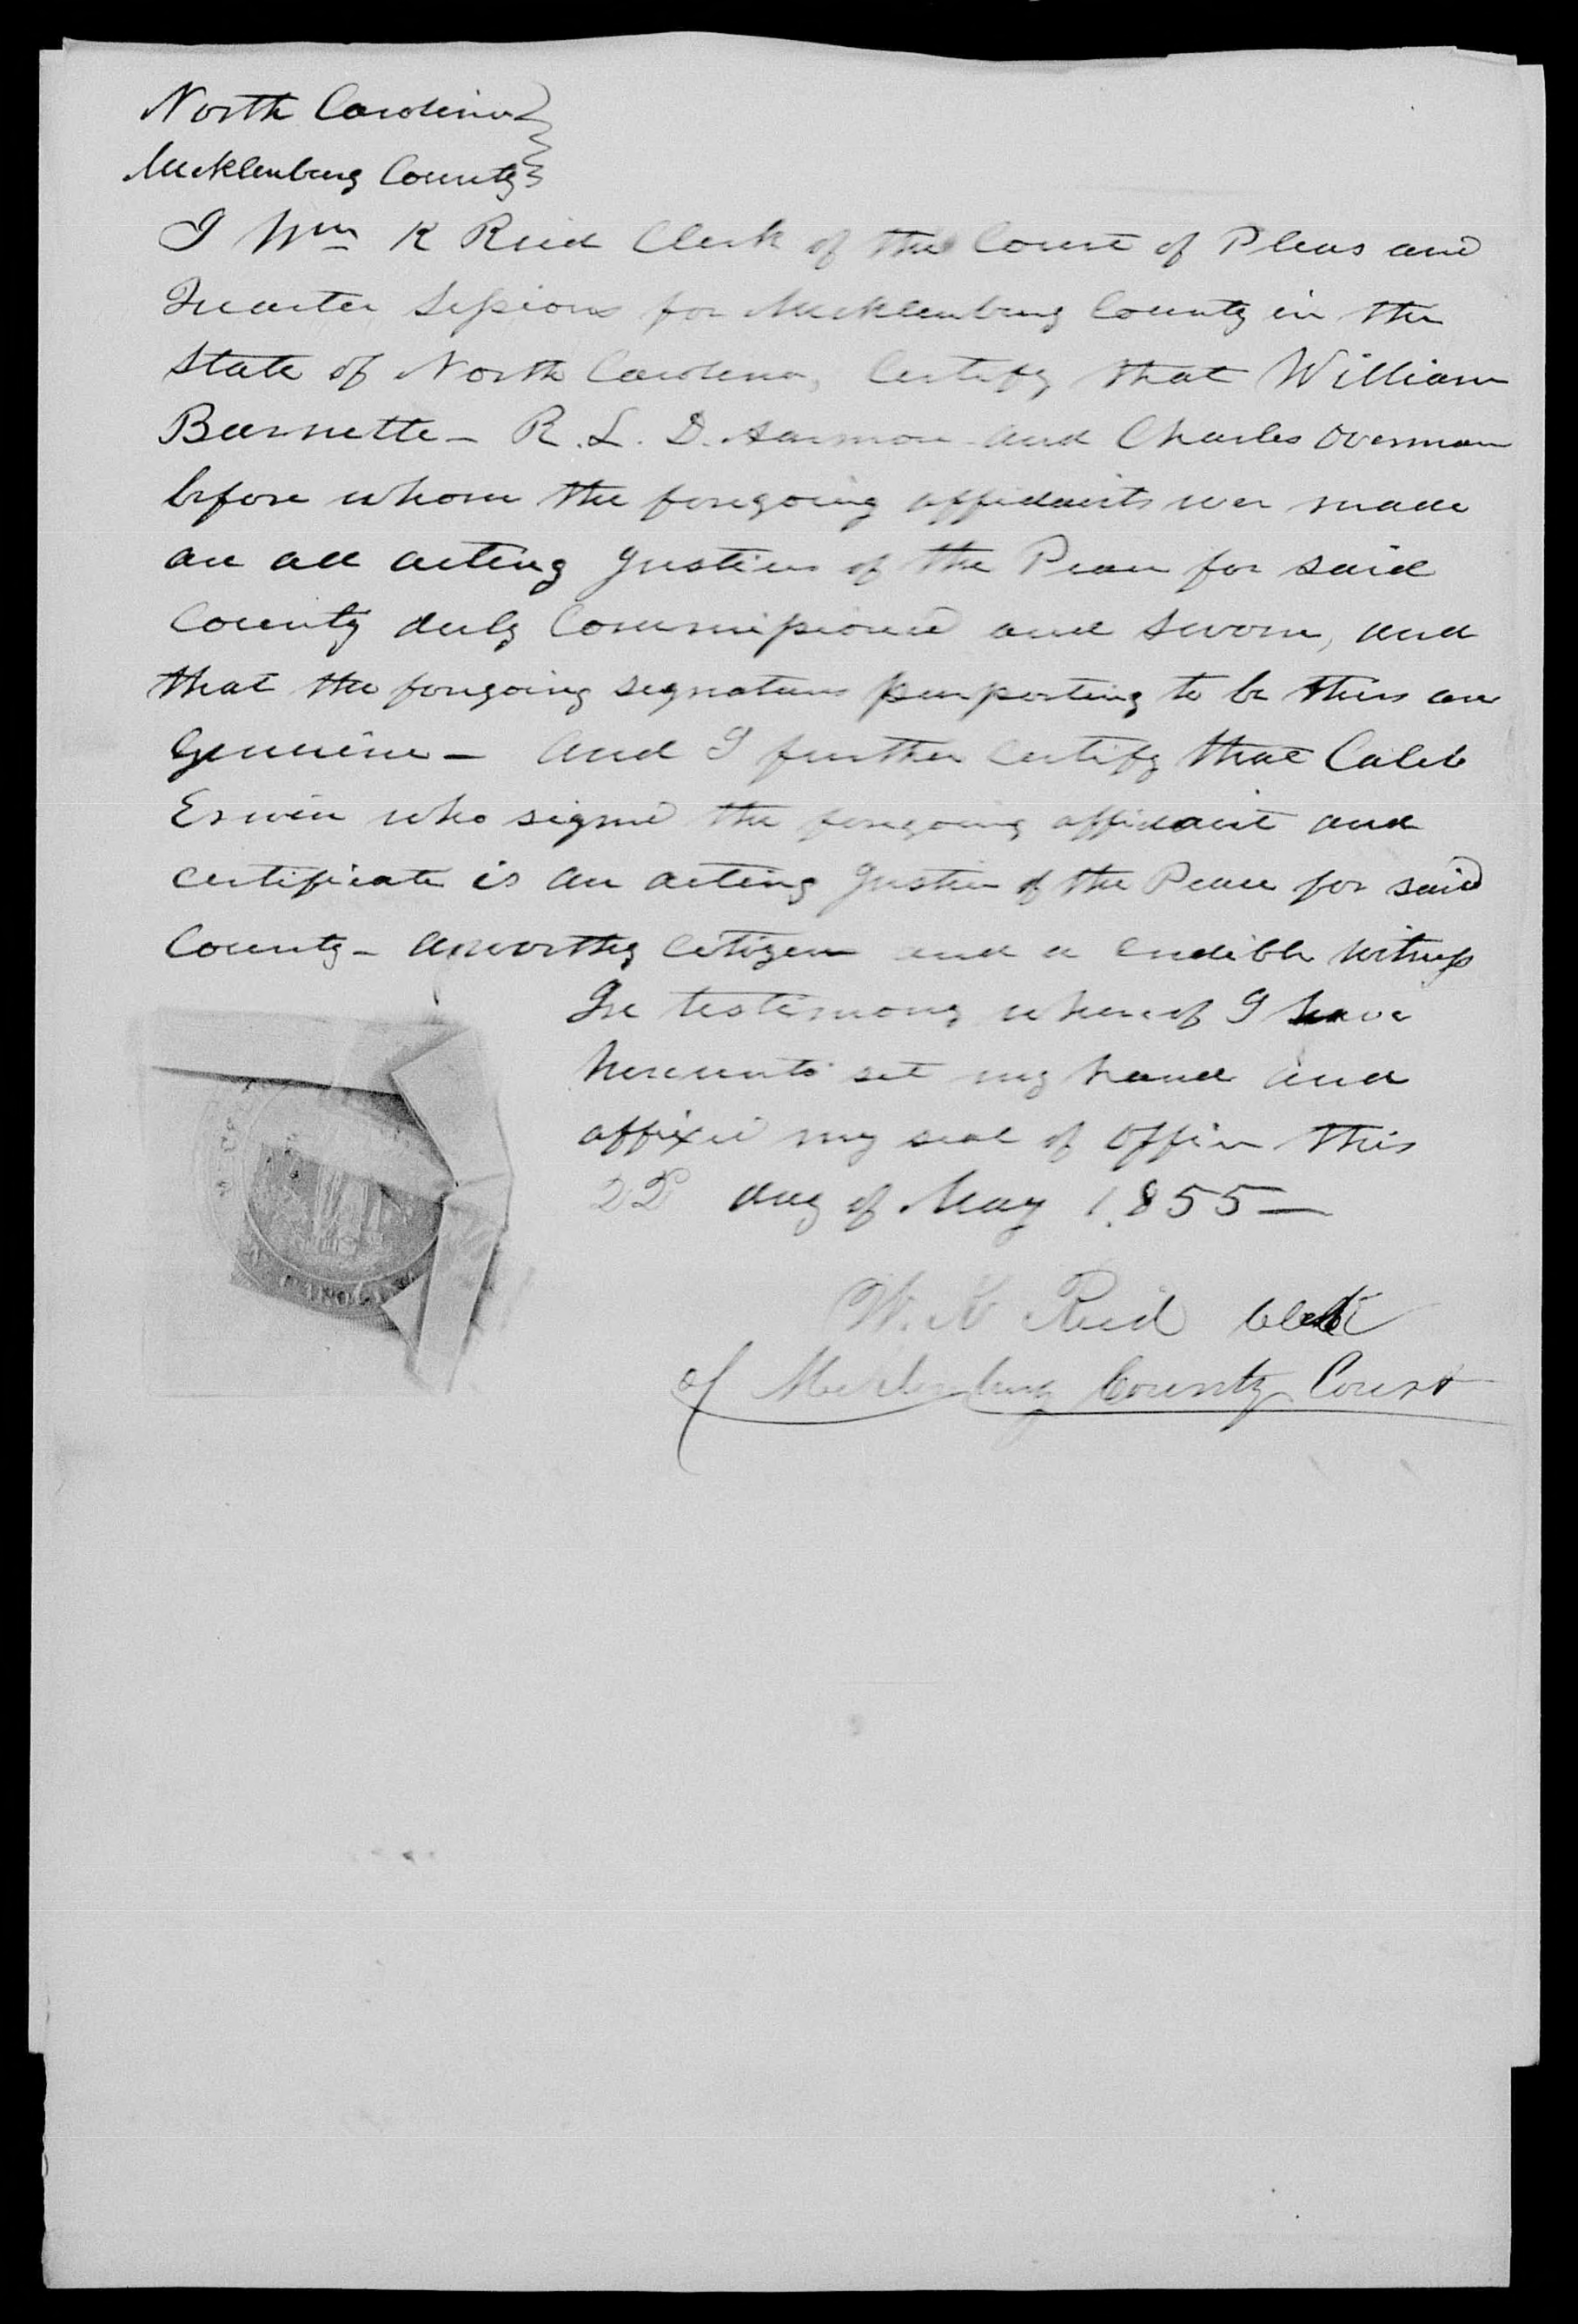North Carolina
Muckenburg County
I Wm R Reed Clerk of the Court of Pleas and Quarter Sipious for Muckenburg County in the State of North Carolina, Certify that William Barnette, R.L. D.Armon and Charles Overman before whom the foregoing affidavits were made are all acting Justices of the Peace for said County duly Commpromise and sworn, and that the foregoing signatures purporting to be this an Genuine and I further certify that Caleb Erwin who signed the foregoing affidavit and certificate is an acting Justice of the Peace for said County a worthy citizen and a credible witness The testimony whereof I have hereunto set my hand and affixed my seal of office this 22 day of May 1855.
W.R. Reed Clerk
of Muckenburg County Court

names: W R Reid, R L De Aarmon, William Barnette, Caleb Erwin, Wm R Reid, Charles Overman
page: 17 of 52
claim: rejected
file: R. 3,512, John Ferrell, N.C.